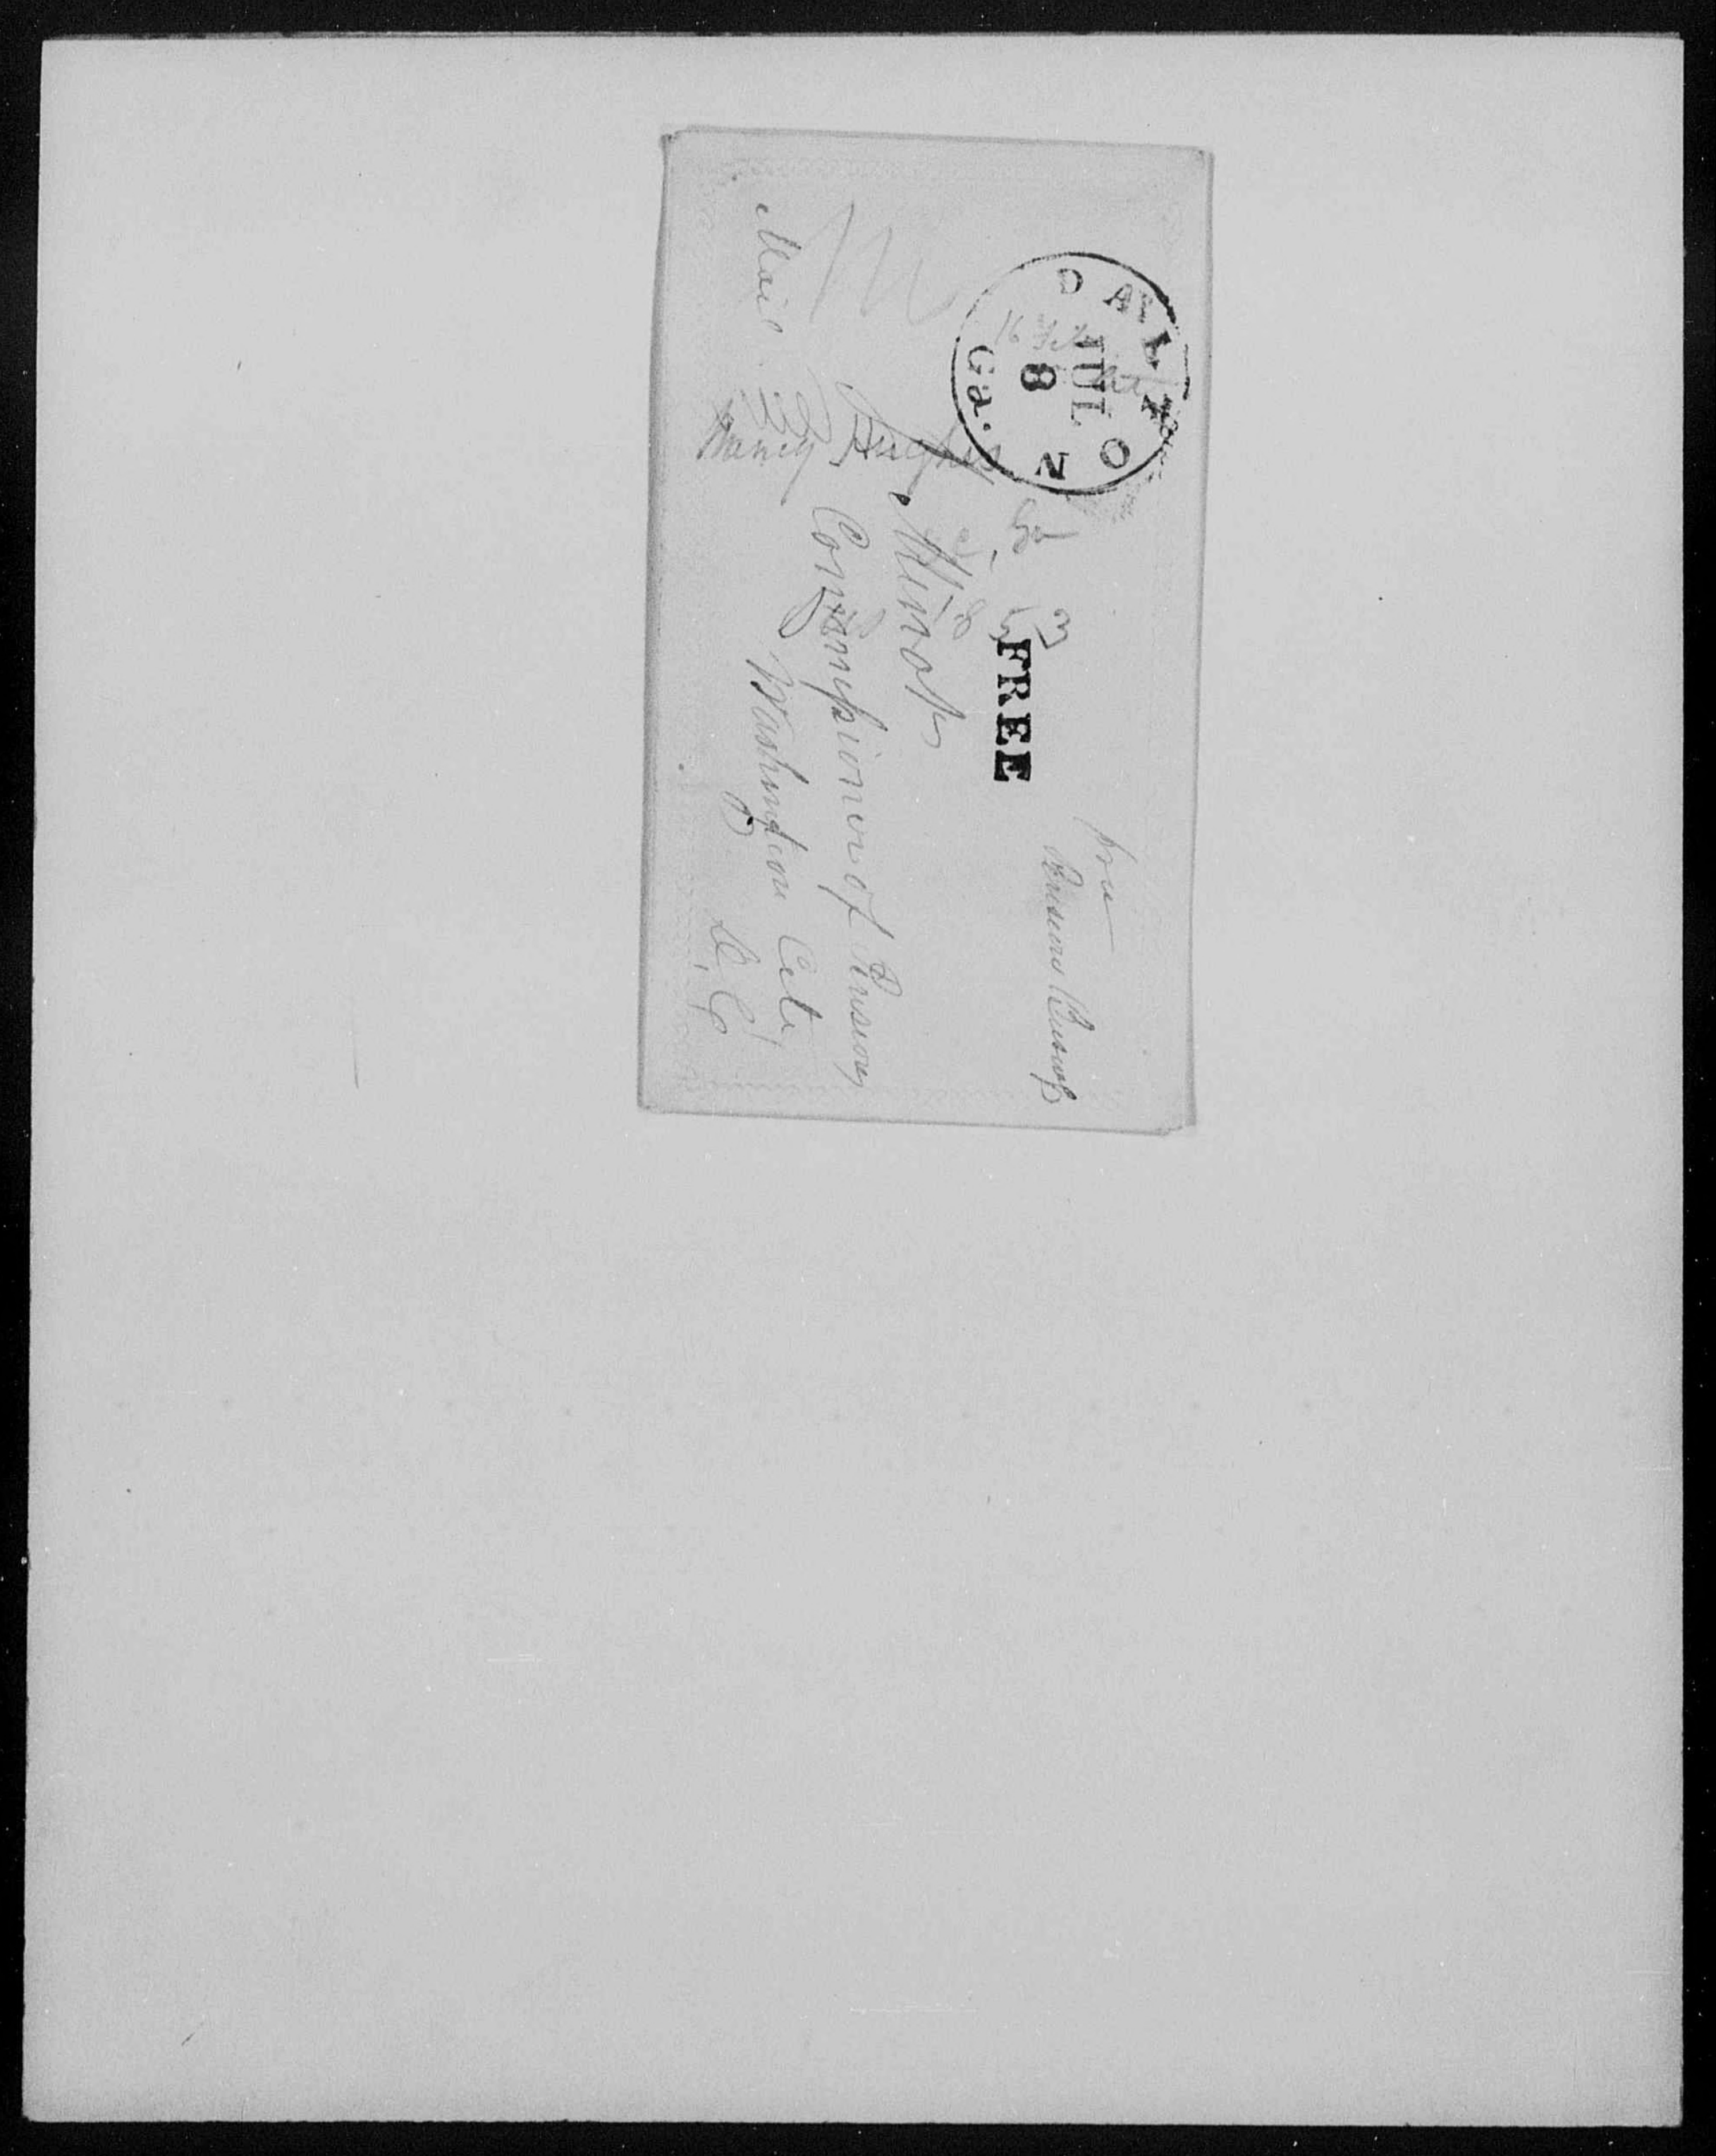[stamped] DALTON Ga. JUL 8 FREE
Nancy Hughes S.C. Ga
sus1853

J Minot
Commissioner of Pension
Washington City D.C

 from Pension Bureau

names: J Minot, Nancy Hughes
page: 30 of 75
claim: widow's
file: W. 25805, Andrew Hughes, N.C.